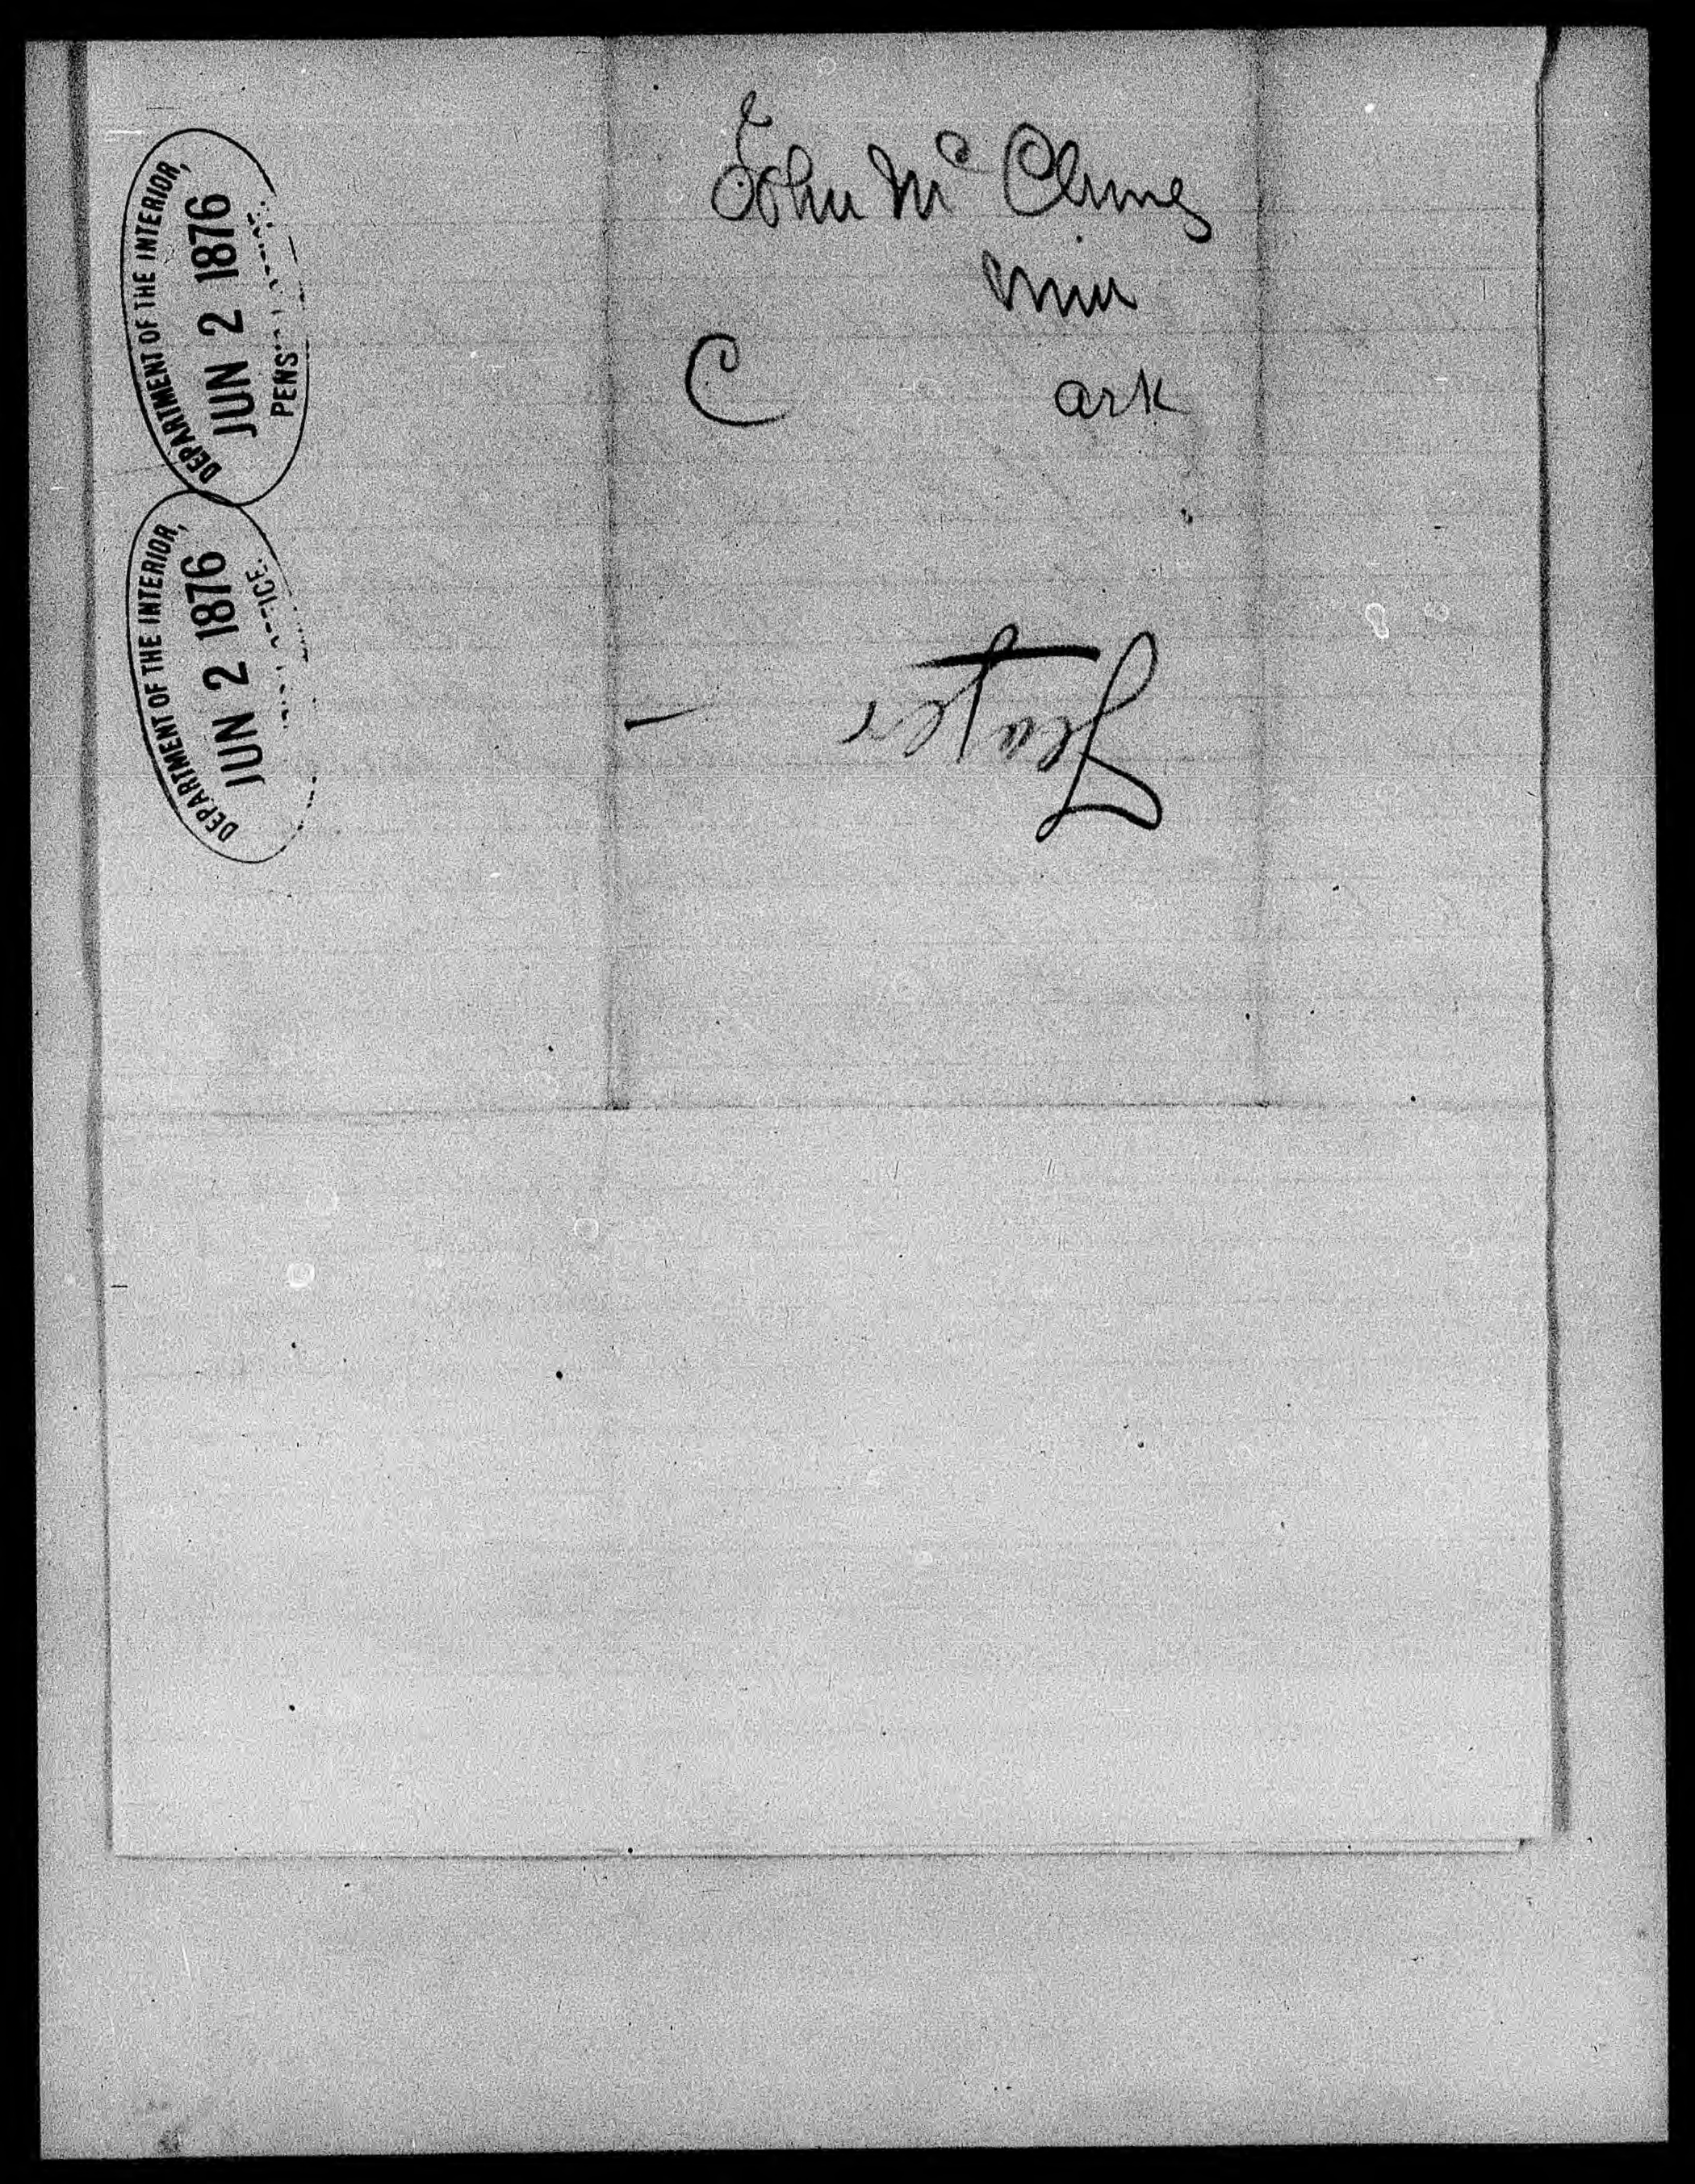[Two oval mail receipt stamps left margin]

DEPARTMENT OF THE INTERIOR 
JUN 2 1876
PENSION OFFICE.

DEPARTMENT OF THE INTERIOR 
JUN 2 18776
PENSION OFFICE

John McClung 
[illegible]
C Ark

[text is upside down on image]

Teager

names: [BLANK] Teager; John Mc Clung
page: 9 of 115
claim: widow's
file: W. 1446, for John Mc Clung, South Carolina